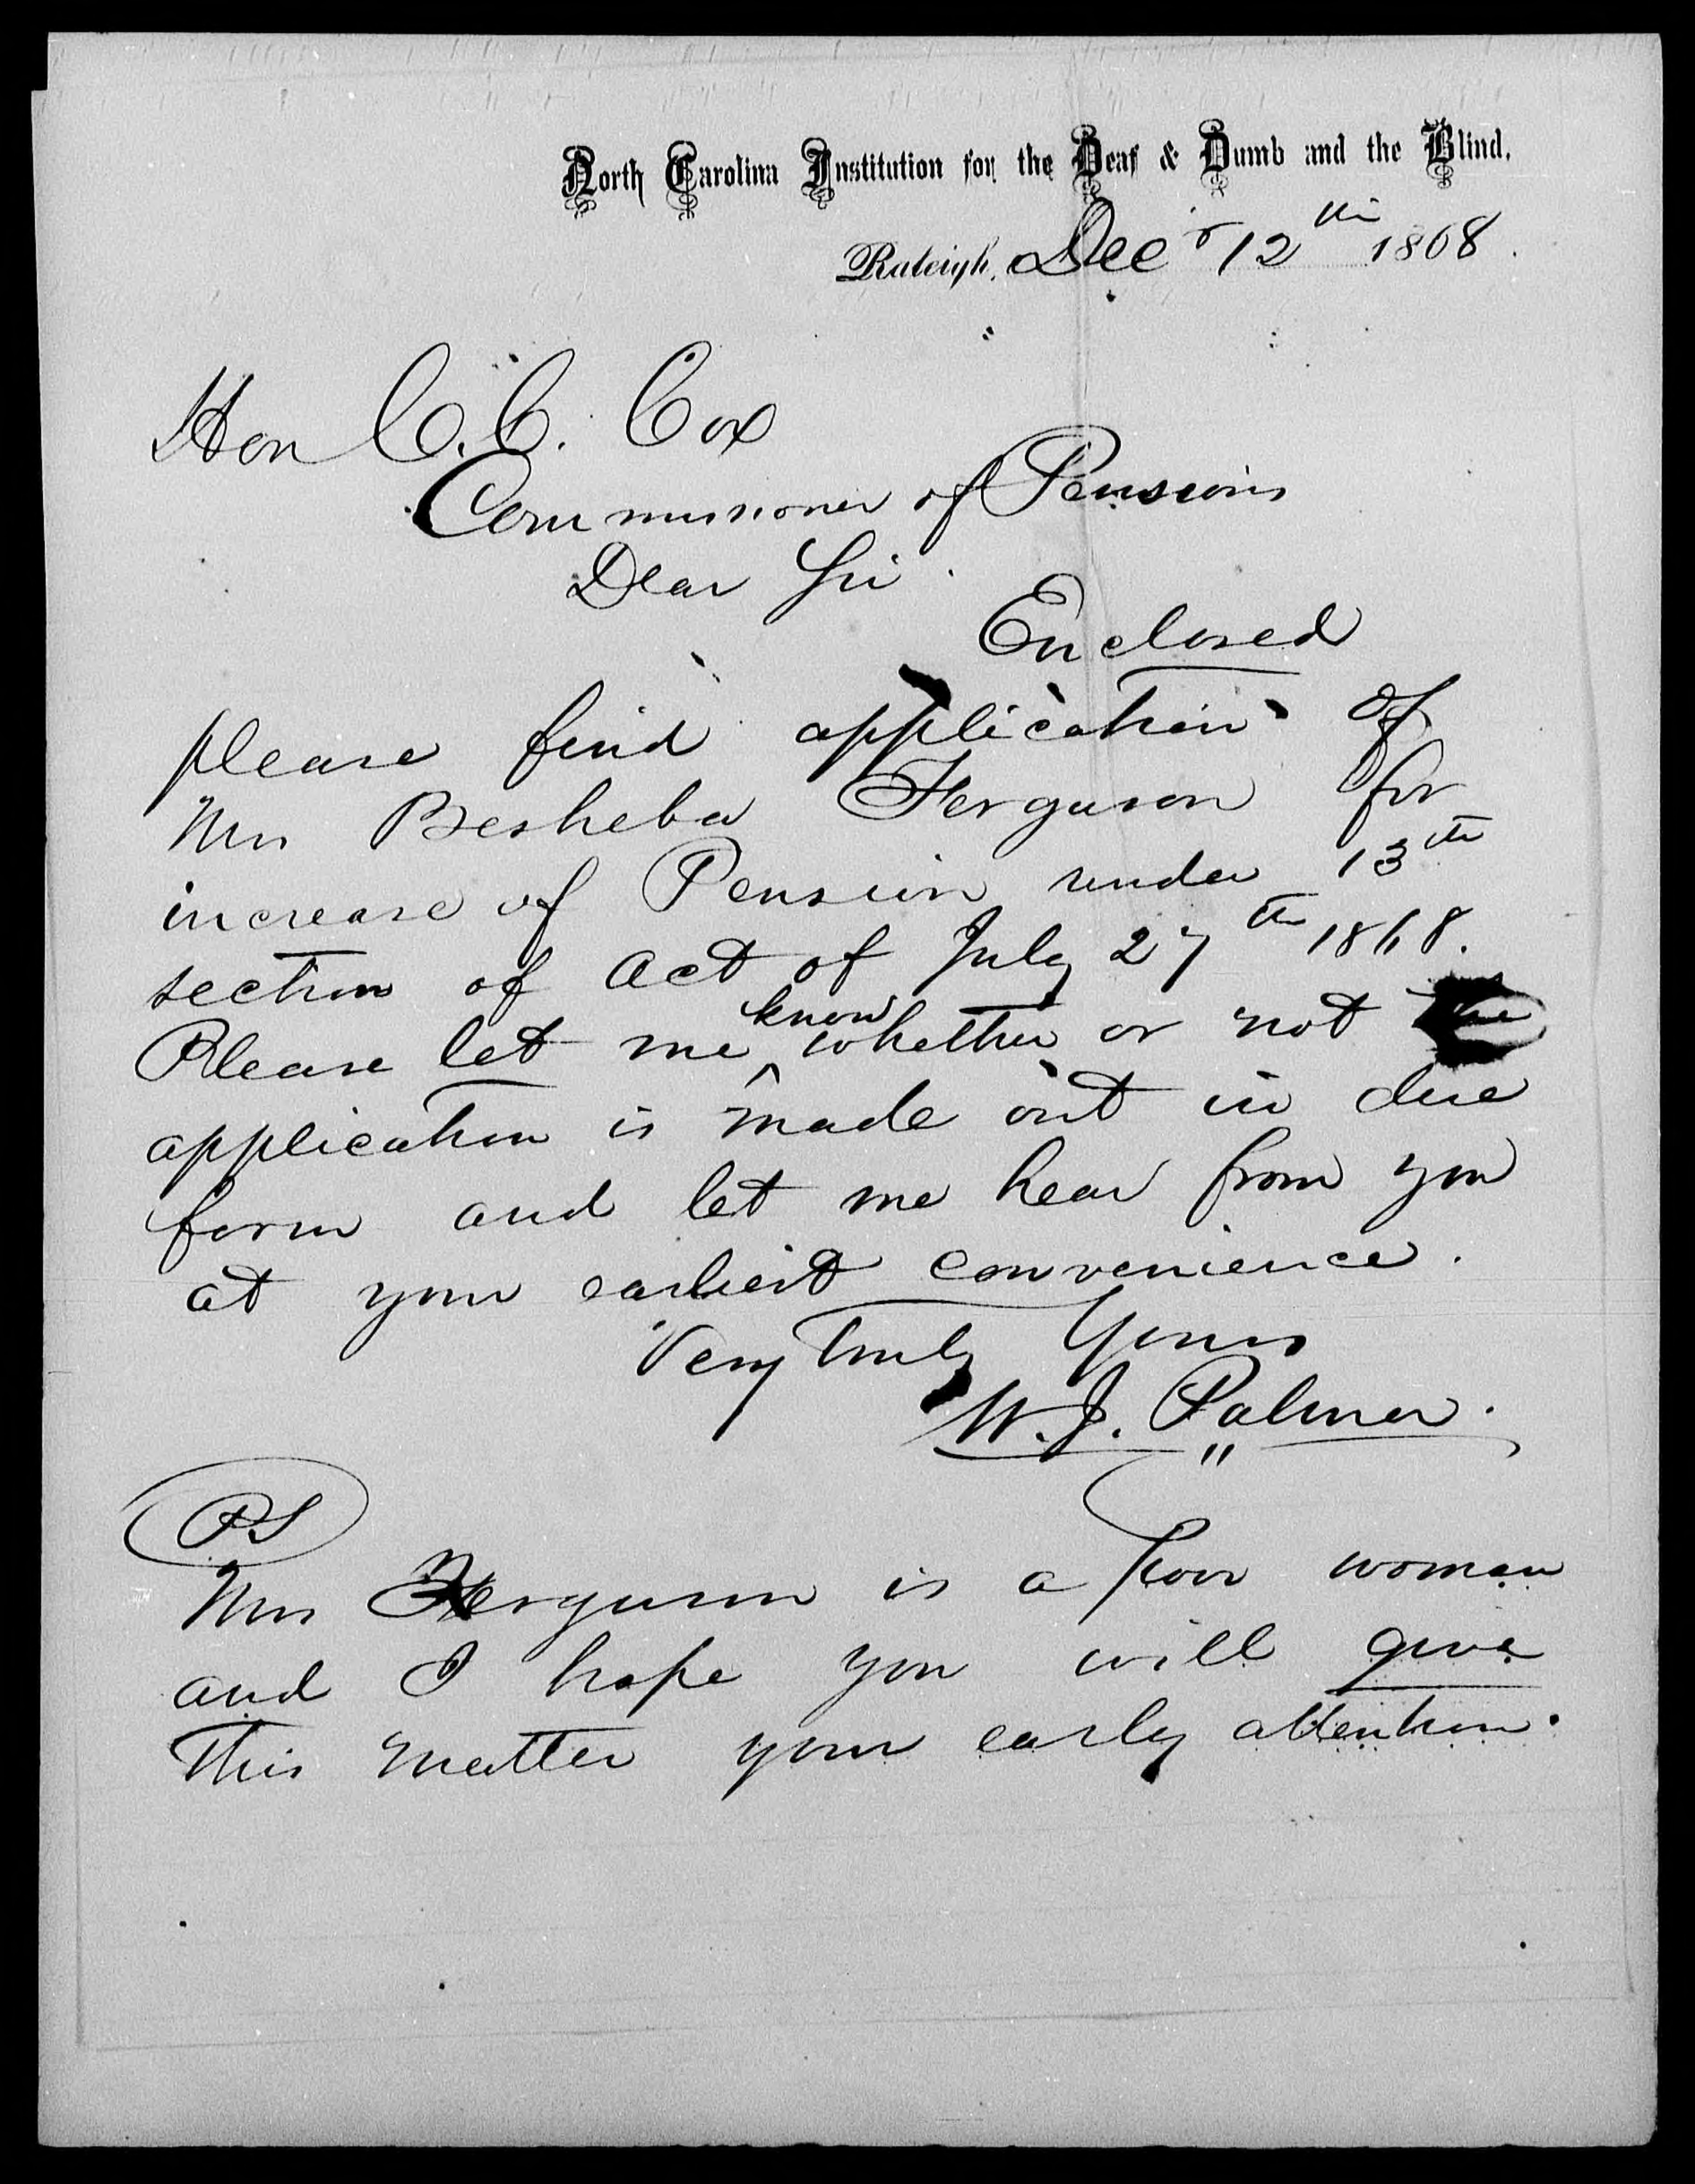North Carolina Institution for the Deaf & Dumb 
and the Blind.
Raleigh Dec. 12 
Hon C.C. Cox
Commissioner of Pensions
Dear Sir,
Enclosed please find application of Mrs Besheba Ferguson for increase of Pension under 13th Section of act of July 27 1868. Please let me know whether or not application is made out in due form and let me hear from you at your earliest convenience.
Very Truly Yours
W.J. Palmer
PS
Mrs Ferguson is a poor woman and I hope you will give this matter your early attention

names: Besheba Ferguson, W J Palmer, C C Cox, Ferguson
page: 39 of 81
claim: widow's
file: W. 7262, Robert Ferguson, Va.